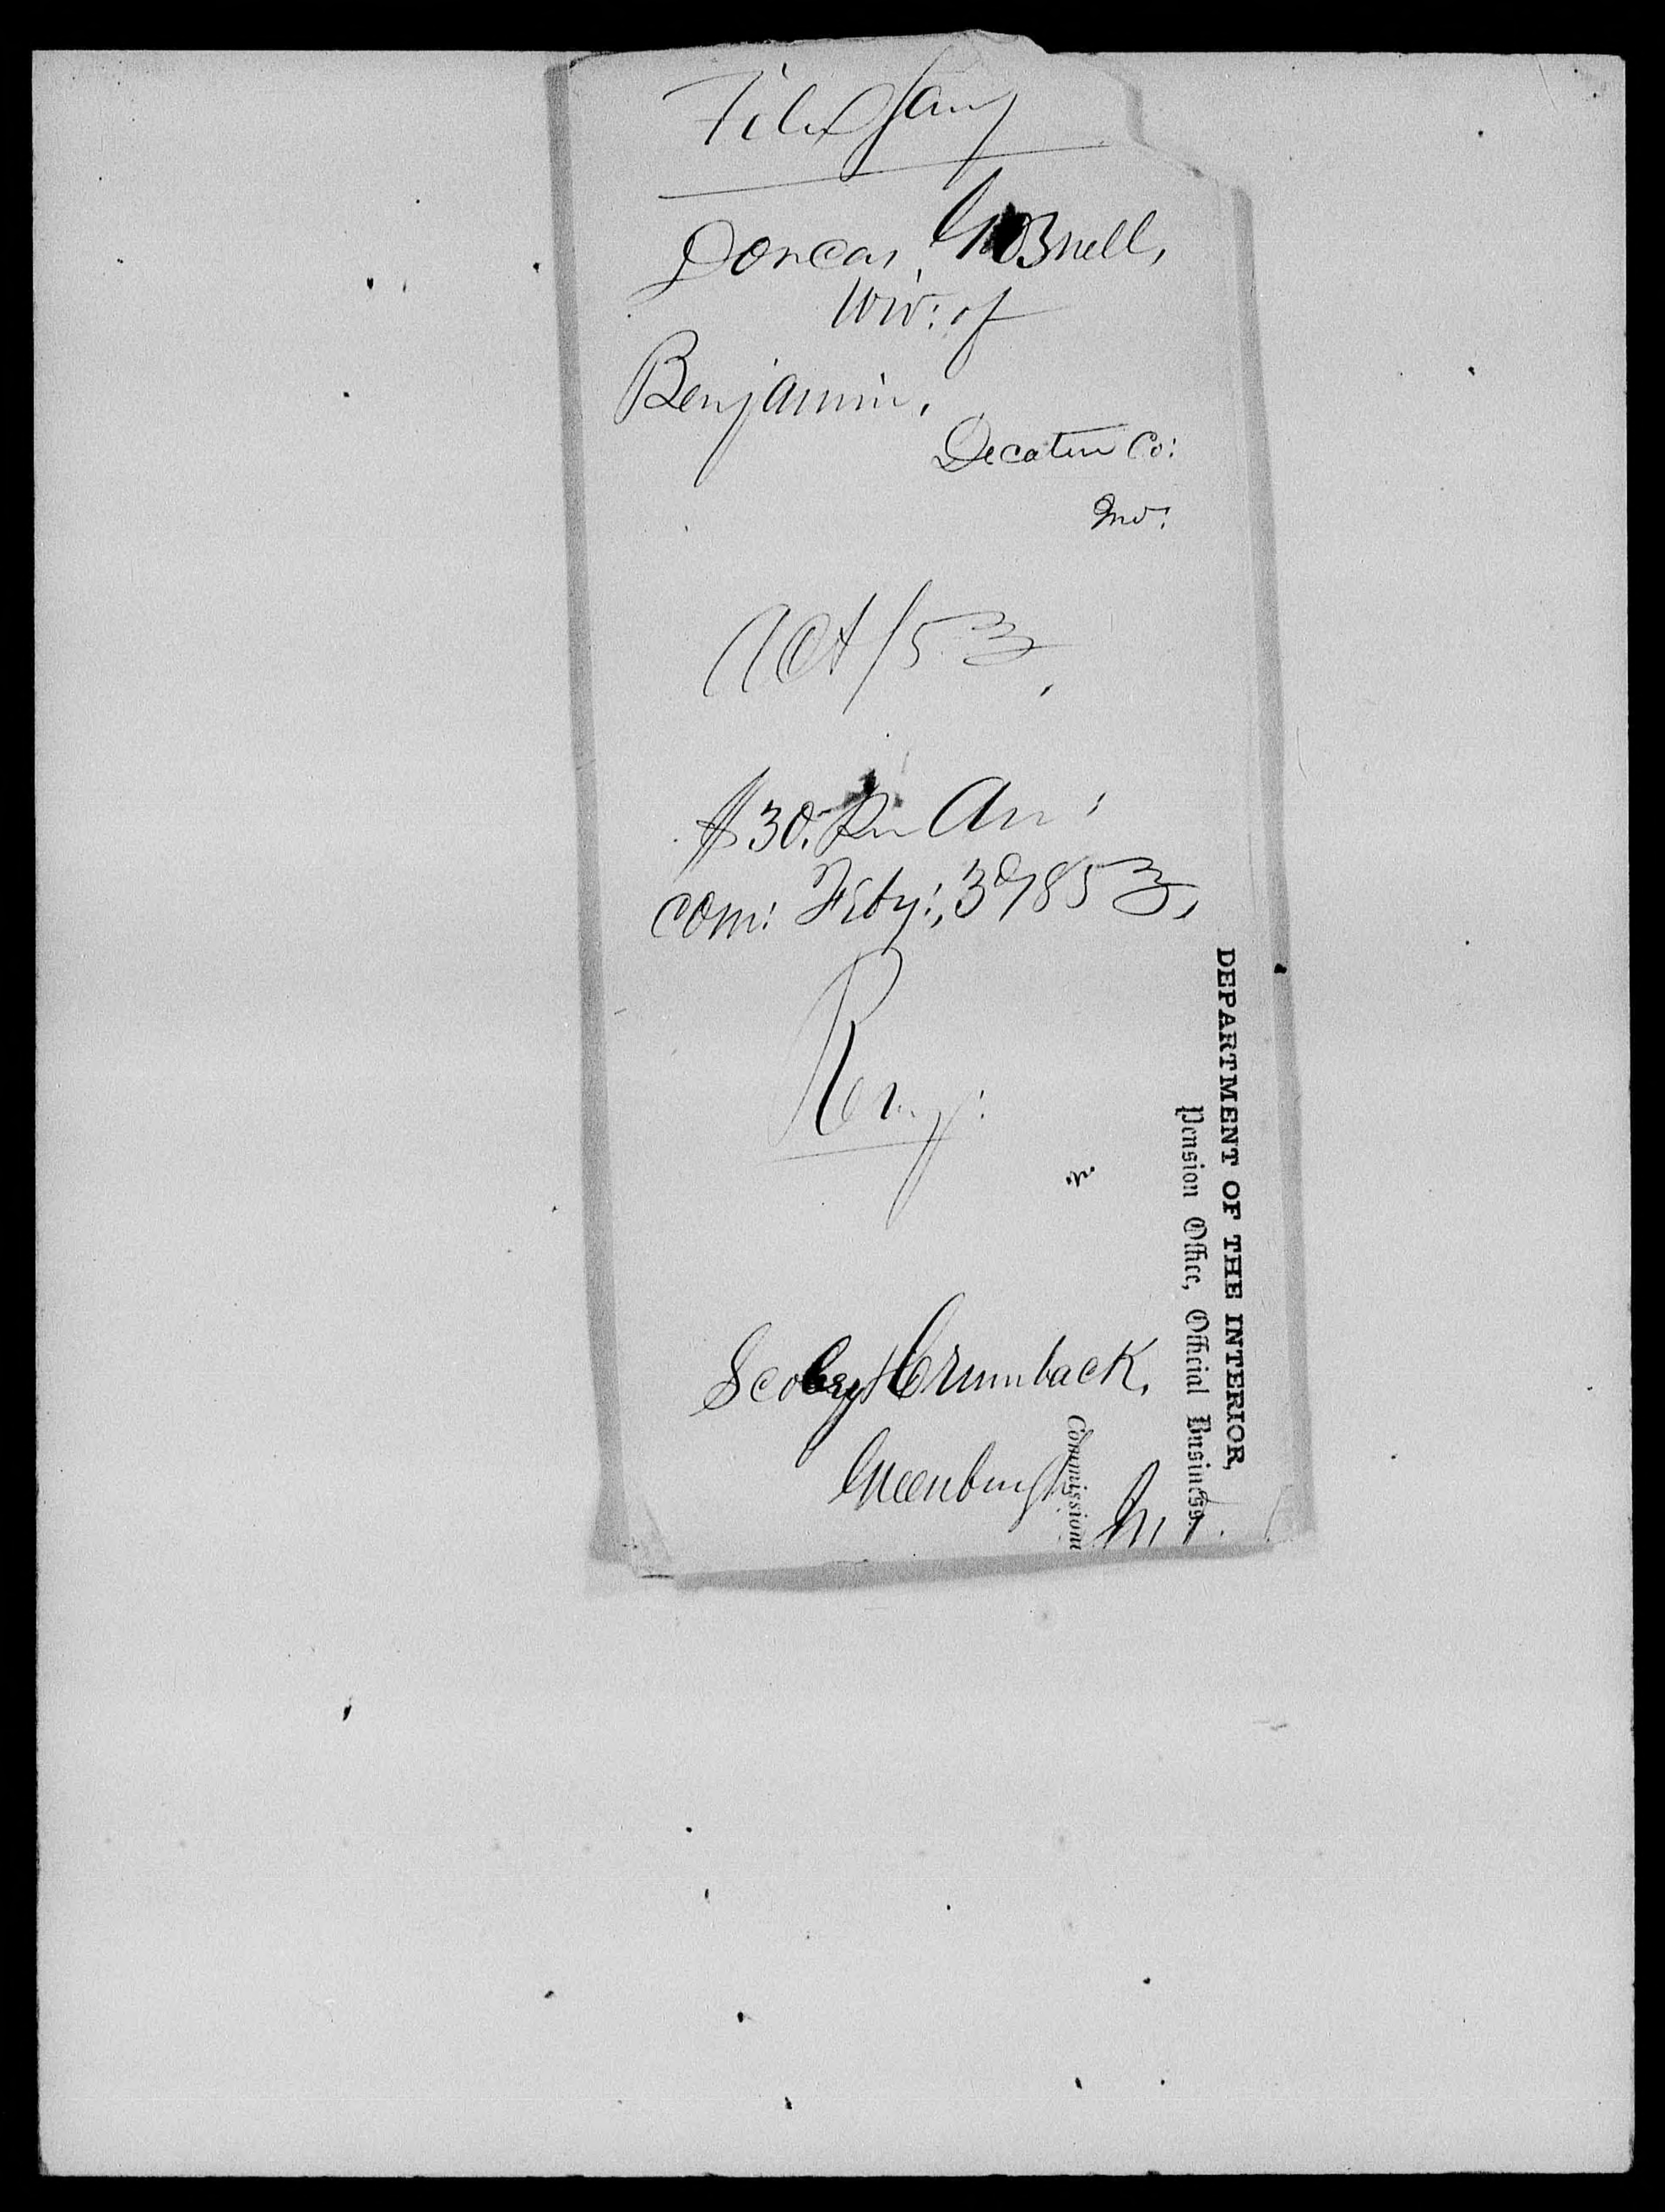Filed Jany [January]
Dorcas Gosnell,
wid: of
Benjamin,
Decatur Co: Ind:

Act /53.

$30. Pn An:
com: Feby [February] 37853,
Revy:

Scobey & Crumback,
Greensburgh, Ind

[at right; vertical]
DEPARTMENT OF THE INTERIOR
Pension Office, Official Business
Commisioner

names: Crumback, Benjamin Gosnell, Scobey, Dorcas Gosnell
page: 26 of 39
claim: widow's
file: W. 11060, Benjamin Gosnell, Va.